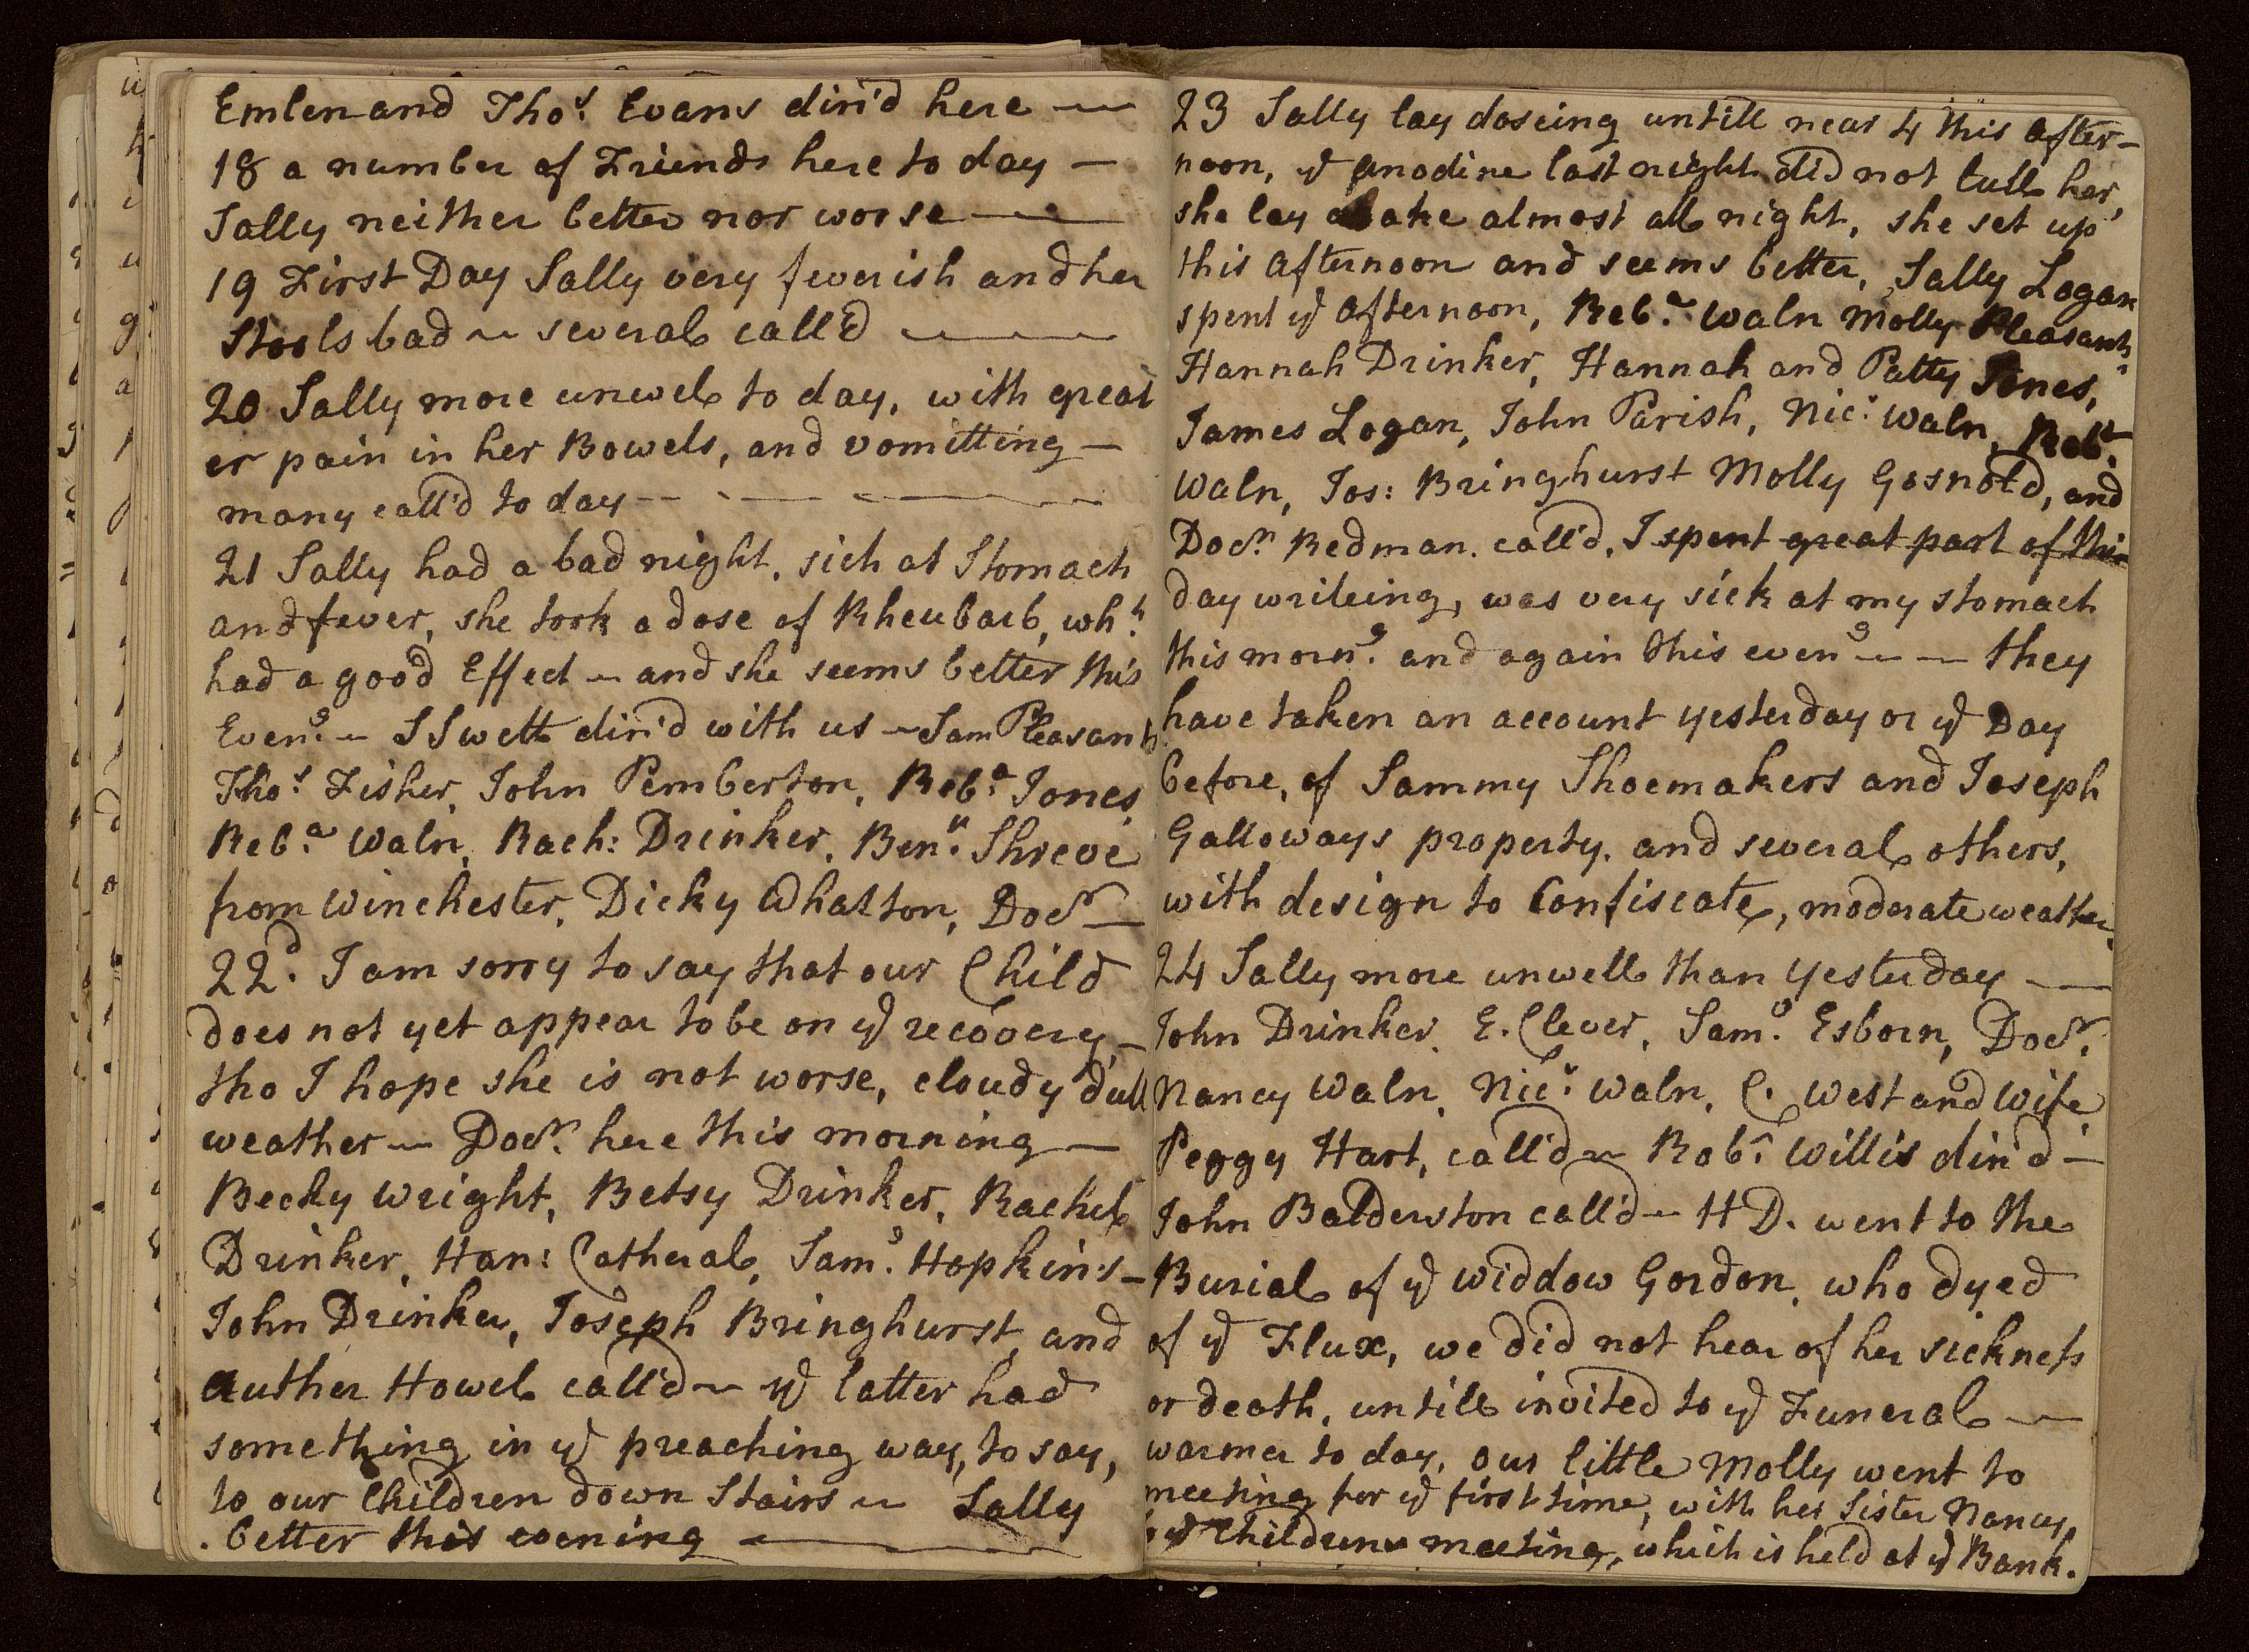Emlen and Tho^s Evans din'd here-
18 a number of Friends here to day-
Sally neither better nor worse-
19 First Day Sally very feverish and her
Stools bad- several call'd-
20 Sally more unwel to day, with great
er pain in her Bowels, and vomitting-
many call'd to day-
21 Sally had a bad night, sick at Stomach
and fever, she sook a dose of Rheubarb, wh^h.
had a good Effect- and she seems better this
Even.^g- S Swett din'd with us- Sam Pleasants
Tho^s. Fisher, John Pemberton, Reb^a. Jones,
Reb^a Waln, Rach: Drinker, Ben^n. Shreve
from Winchester, Dicky Whatton, Doc^r-
22^d. I am sorry to say that our Child
does not yet appear to be on y^e recovery-
tho I hope she is not worse, cloudy dull
weather- Doc.^r here this morning-
Becky Wright, Betsy Drinker, Rachel
Drinker, Han: Catheral, Sam.^l Hopkins-
John Drinker, Joseph Bringhurst, and
Auther Howel call'd- y^e latter had
something in y^e preaching way, to say,
to our children down Stairs- Sally
better this evening
23 Sally lay doseing untill near 4 this after-
noon, y^e Anodine last night did not lull her,
she lay awake almost all night, she set up
this afternoon and seems better, Sally Logan
spent y^e afternoon, Reb^a Waln Molly Pleasants
Hannah Drinker, Hannah and Patty Pines
James Logan, Jahn Parish, Nic.^s Waln, Rob.^t
Waln, Jos: Bringhurst Molly Gosnold, and
Doc^r. Redman. call'd, I spent great part of this
day writeing, was very sick at my stomach
this morn.^g and again this even^g-- they
have taken an account yesterday or y^e Day
before of Sammy Shoemakers and Joseph
Galloways property, and several others,
with design to Confiscate, moderate weather
24 Sally more unwell than Yesterday
John Drinker, E: Clever, Sam^l. Esborn, Doc.^r
Nancy Waln, Nic^s. Waln, C, West and wife
Peggy Hart, call'd- Rob^r. Willis din'd-
Jahn Balderston call'd- H D. went to the
Burial of y^e widdow Gordon, who dyed
of y^e Flux, we did not hear of her sickness
or death, untill invited to y^e Funeral-
warmer to day, our little molly went to
meeting for y^e first time, with her sister Nancy,
y^e childrens meeting, which is held at y^e Bank.